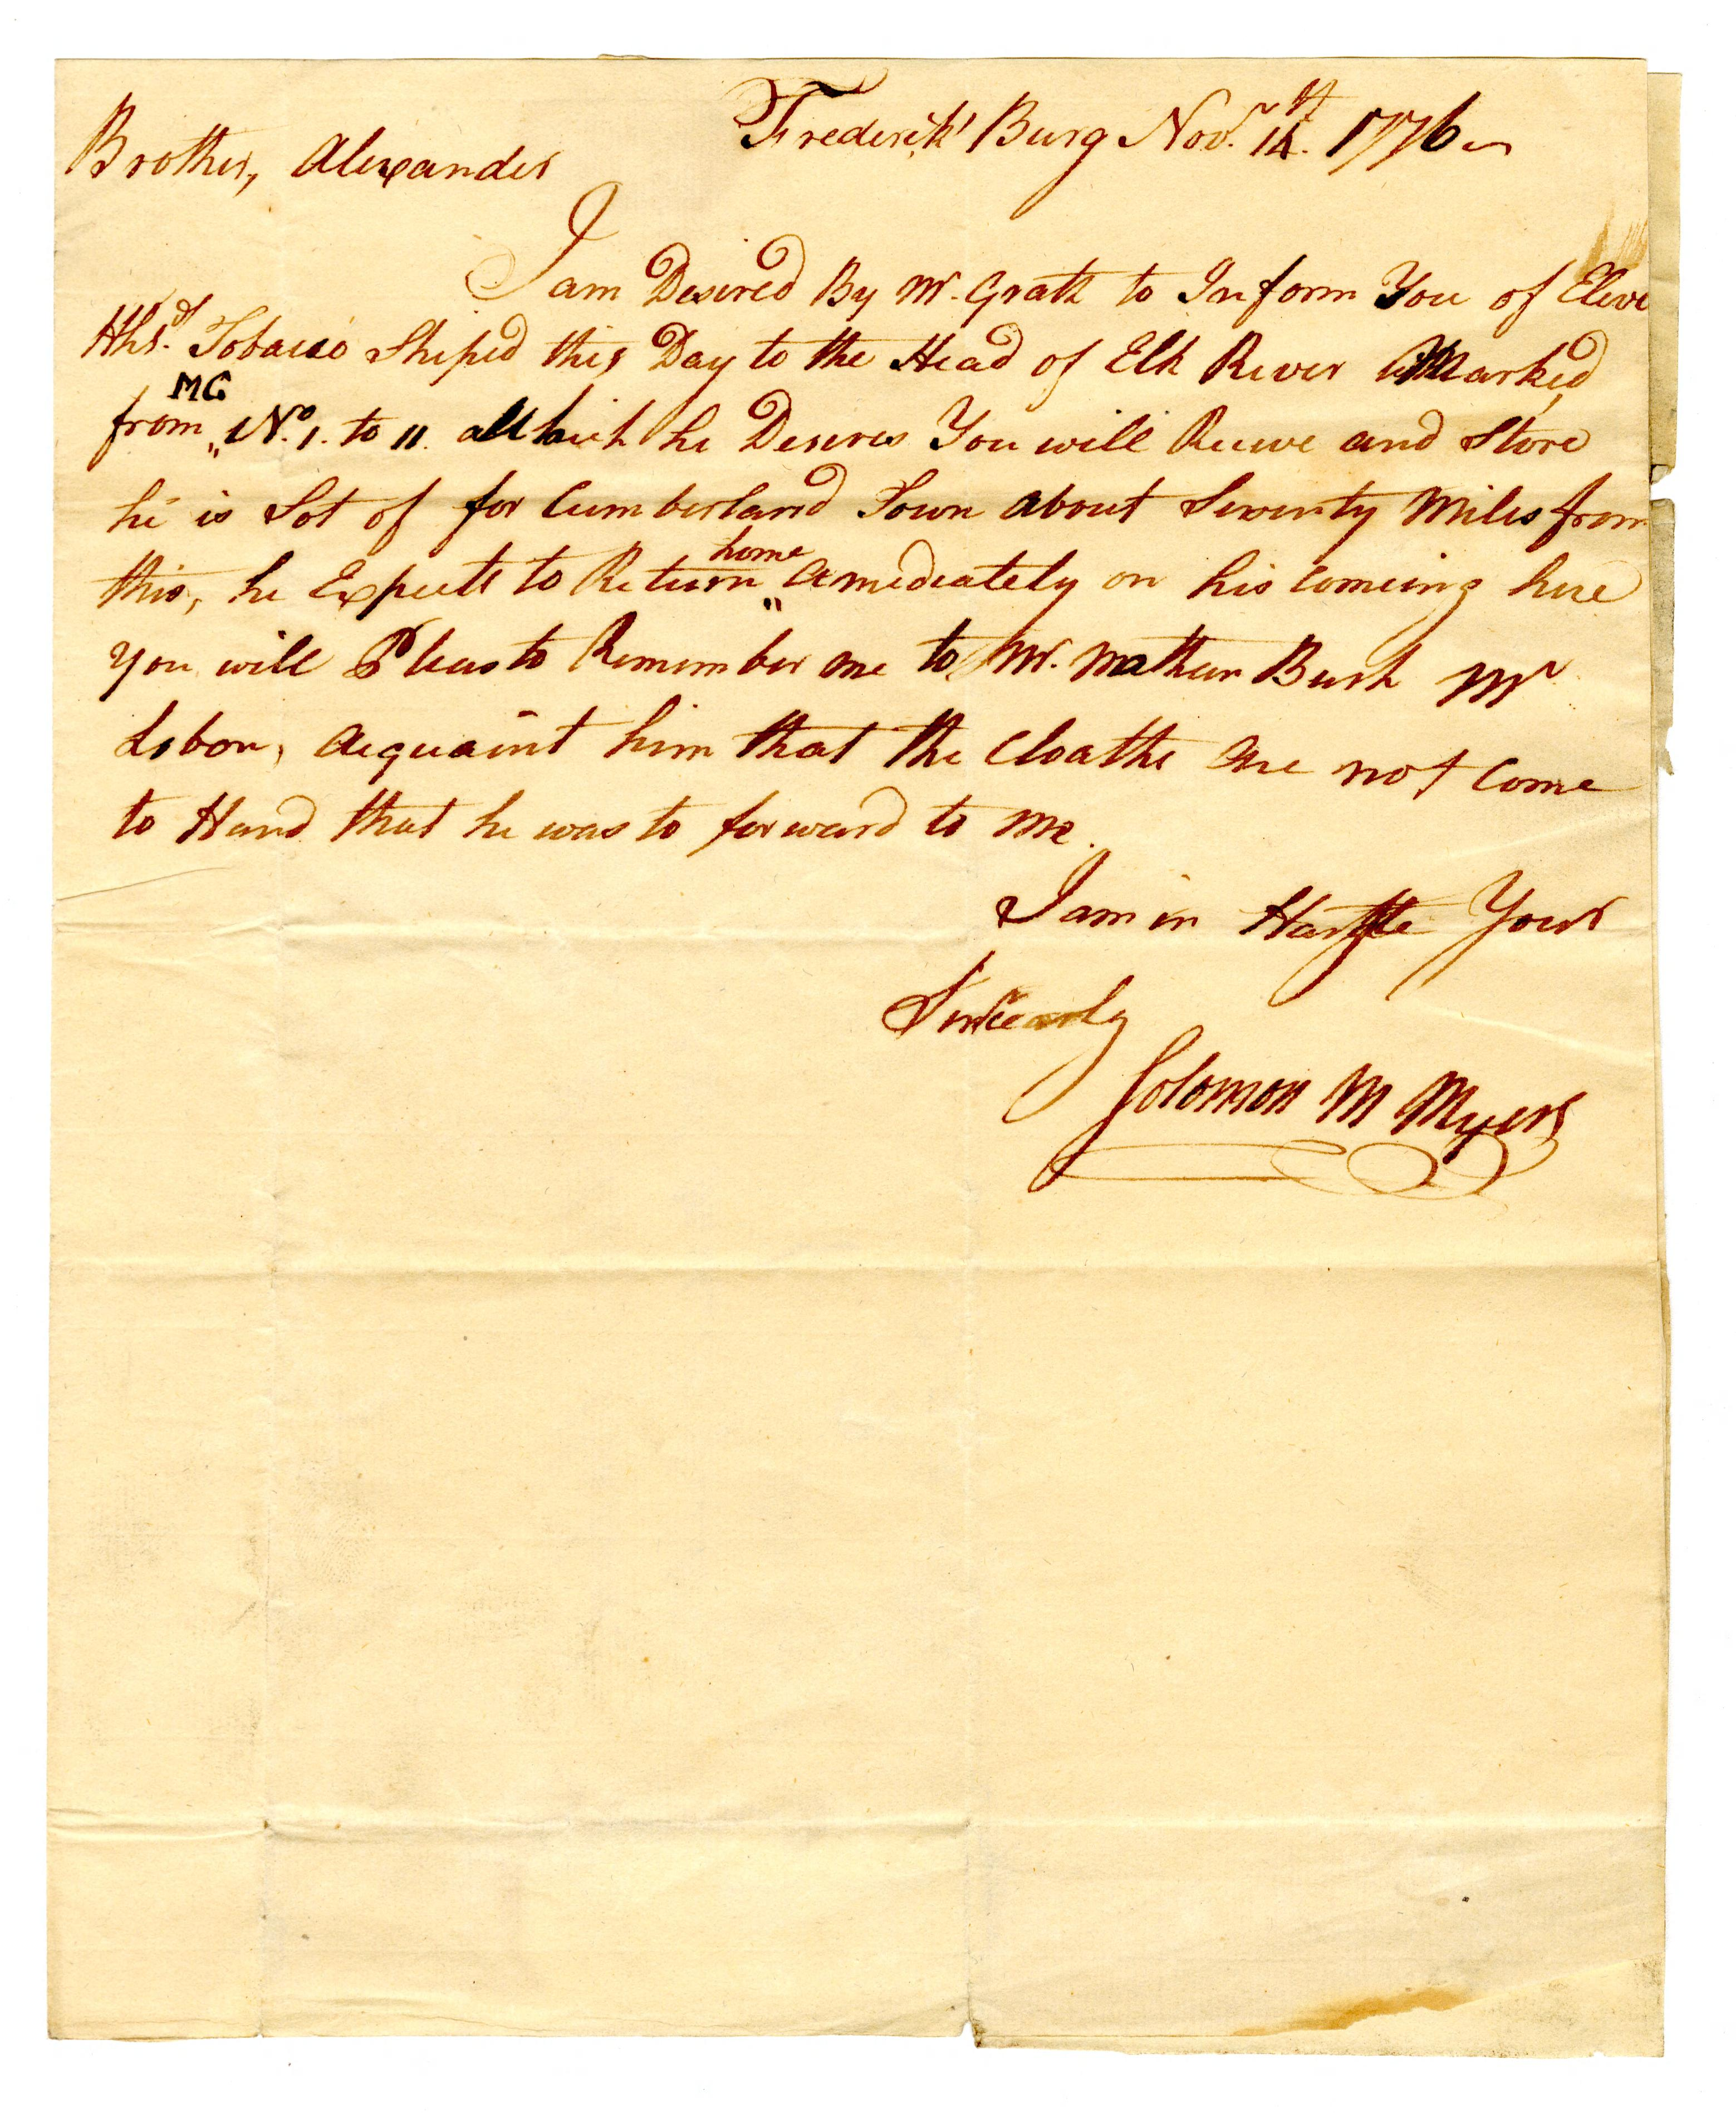FredericksBurg Nov^r 14^th. 1776-
Brother, Alexander
I am Desired By M^r. Gratz to Inform you of Eleve
Hhd^s. of Tobacco Shiped this Day to the Head of Elk River Marked
MG
from ^ N.^o. 1 to 11 Which he Desires You will Receve and Store
he is Set of for Cumberland Town about seventy Miles from
this, he Expects to Return ^ Immediately on his comeing here
home
you will Pleas to Remember one to M^r. Mathew Burk M^r
Lebon, Acquaint him that the Cloaths are not come
to Hand that he was to forward to me
I am in Haste Your
Sincerly
Solomon M Myers